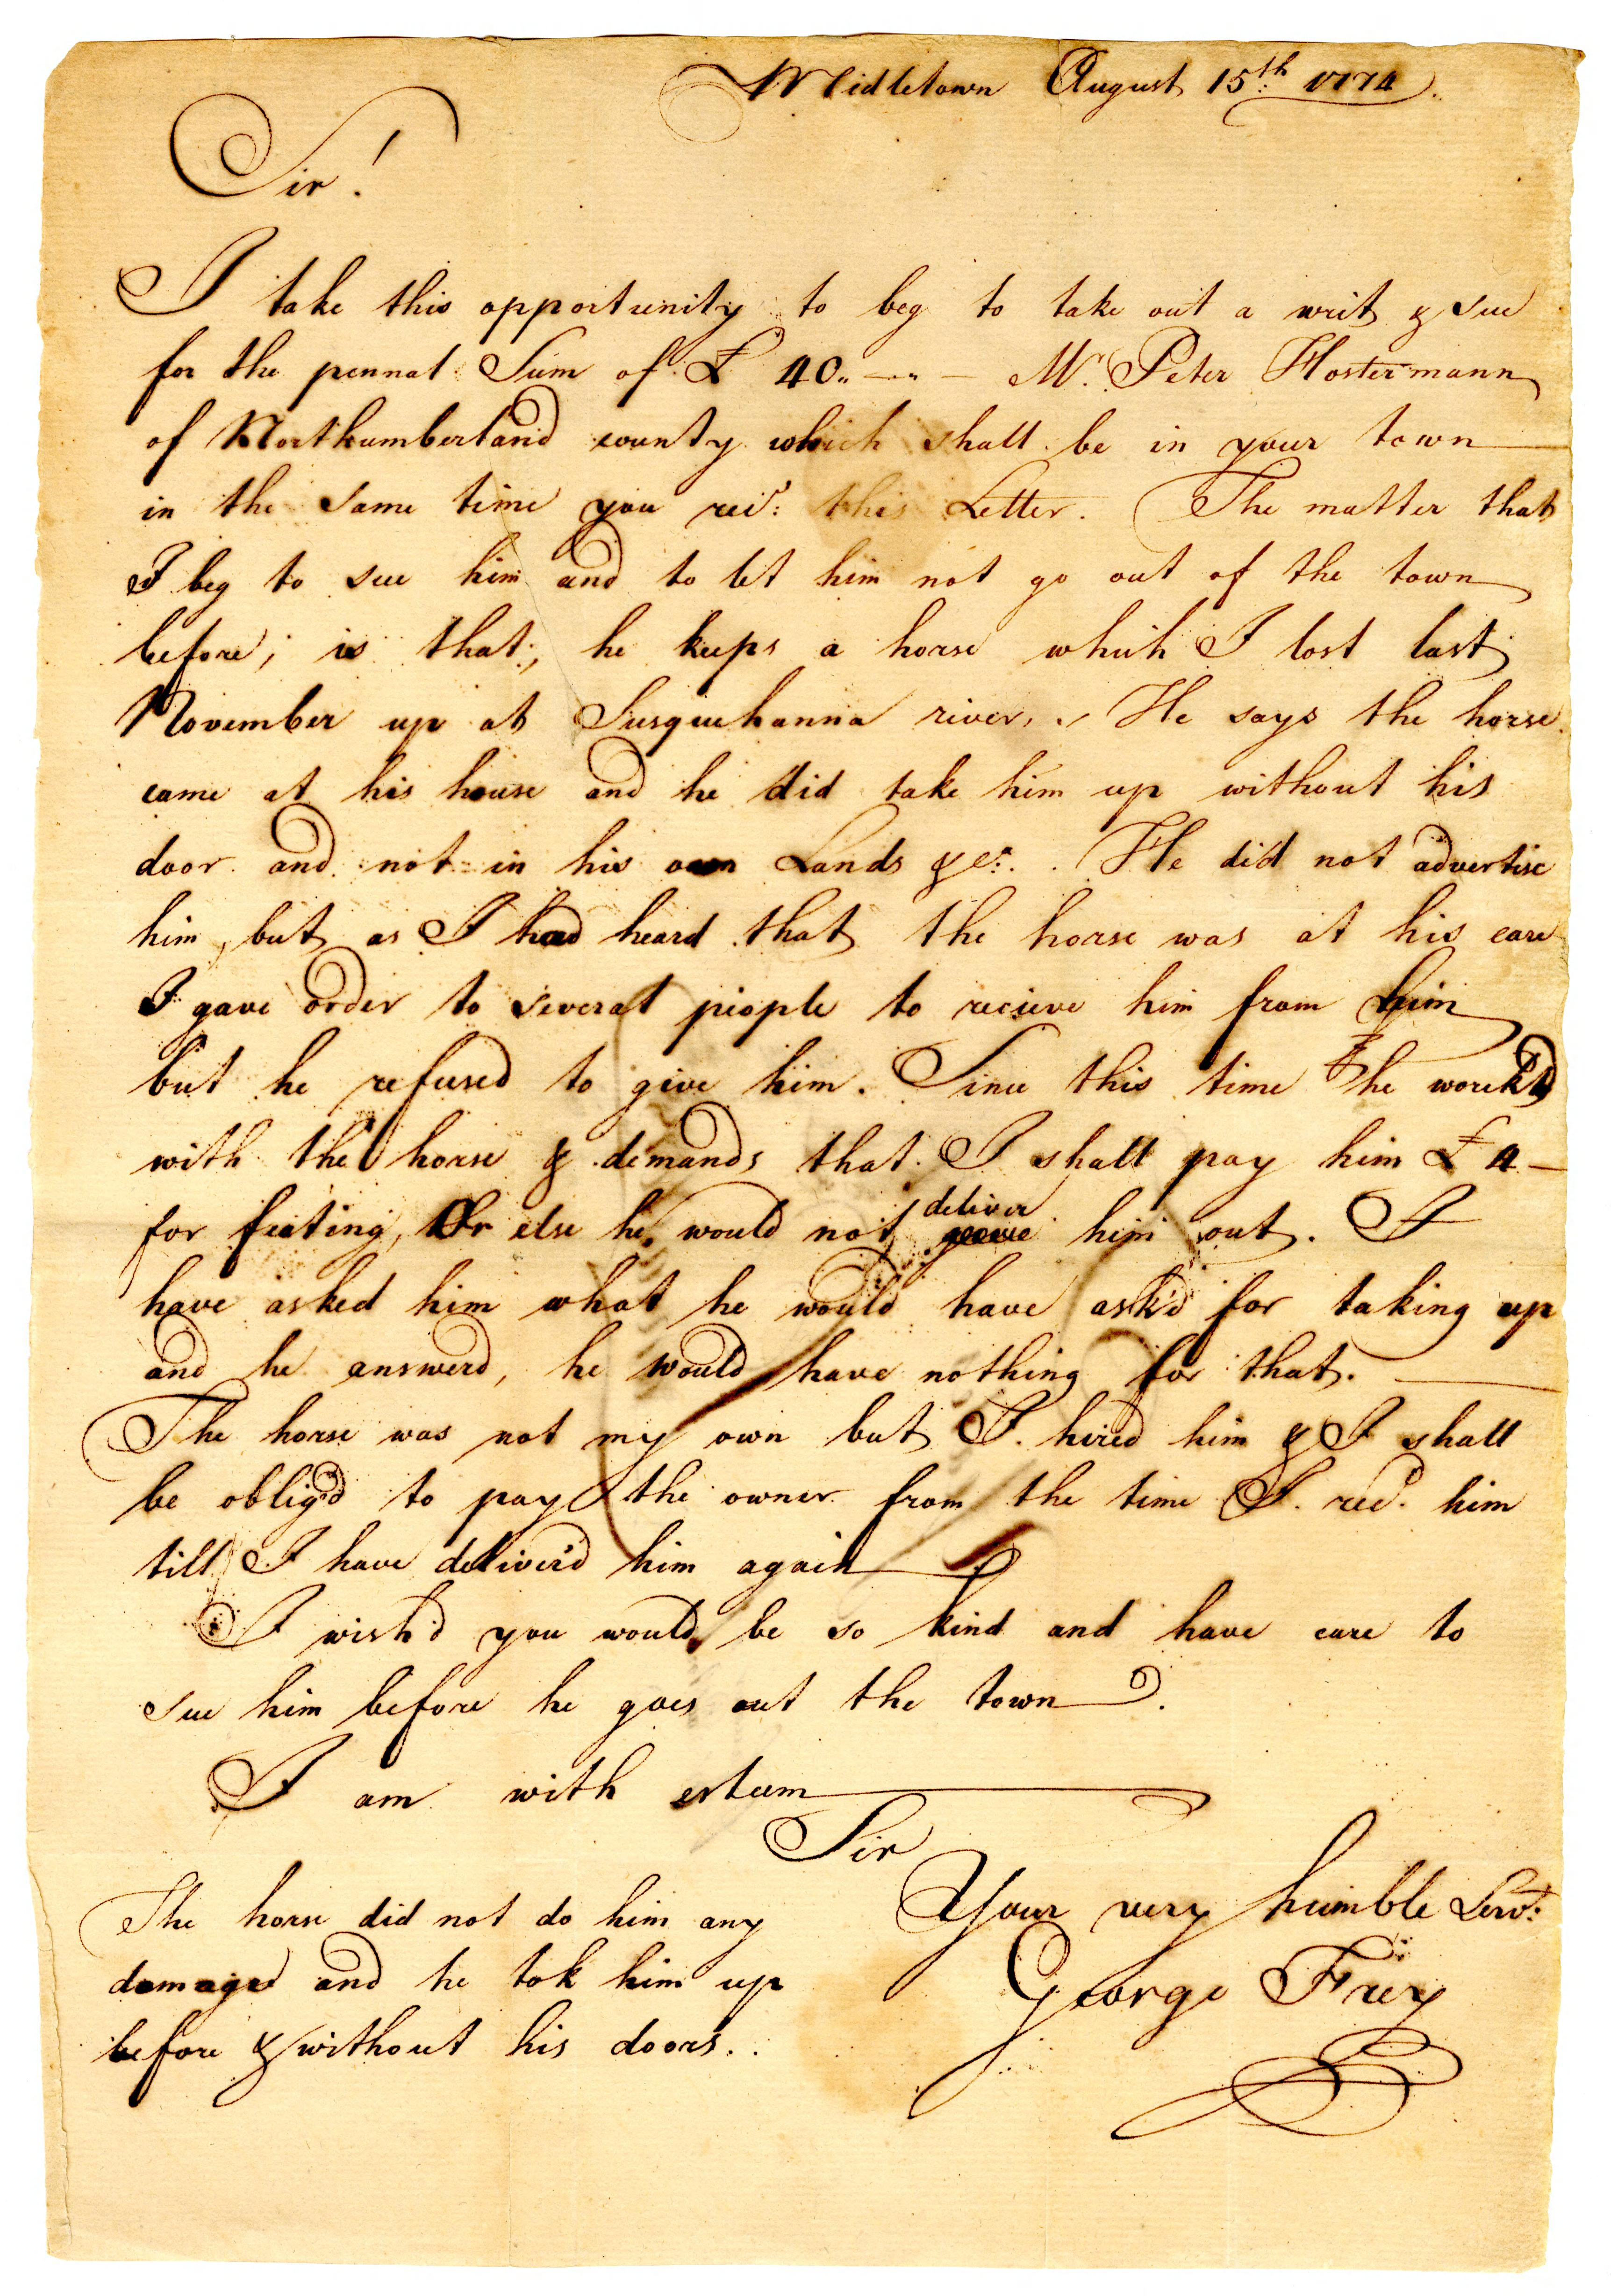Middletown August 15^th 1774
Sir!
I take this opportunity to beg to take out a writ & sue
for the pennal Sum of £40. M^r. Peter Flostermann
of Klorthumberland county which shall be in your town
in the Same time you rec^d. this Letter. The matter that
I beg to sue him and to let him not go out of the town
before; is that, he keeps a horse which I lost last
November up at Susquehanna river. He says the horse
came at his house and he did take him up without his
door and not in his own Lands &c. He did not advertise
him, but as I had heard that the horse was at his care
I gave order to several people to recieve him from him
but he refused to give him. Since this Time he work'd
with the horse & demands that I shall pay him £4
for feeling, Or else would not give ^ him out. I
deliver
have asked him what he would have ask'd for taking up
and he answered, he would have nothing for that.
The horse was not my own but I hired him & I shall
be oblig'd to pay the owner, from the time I rec^d. him
till I have deliver'd him again.
I wish you would be so kind and have care to
sue him before he goes out the Town.
I am with esteem.
Sir
Your very humble Serv^t
George Frey
The horn did not do him any
damage and he tok him up
before & without his doors.